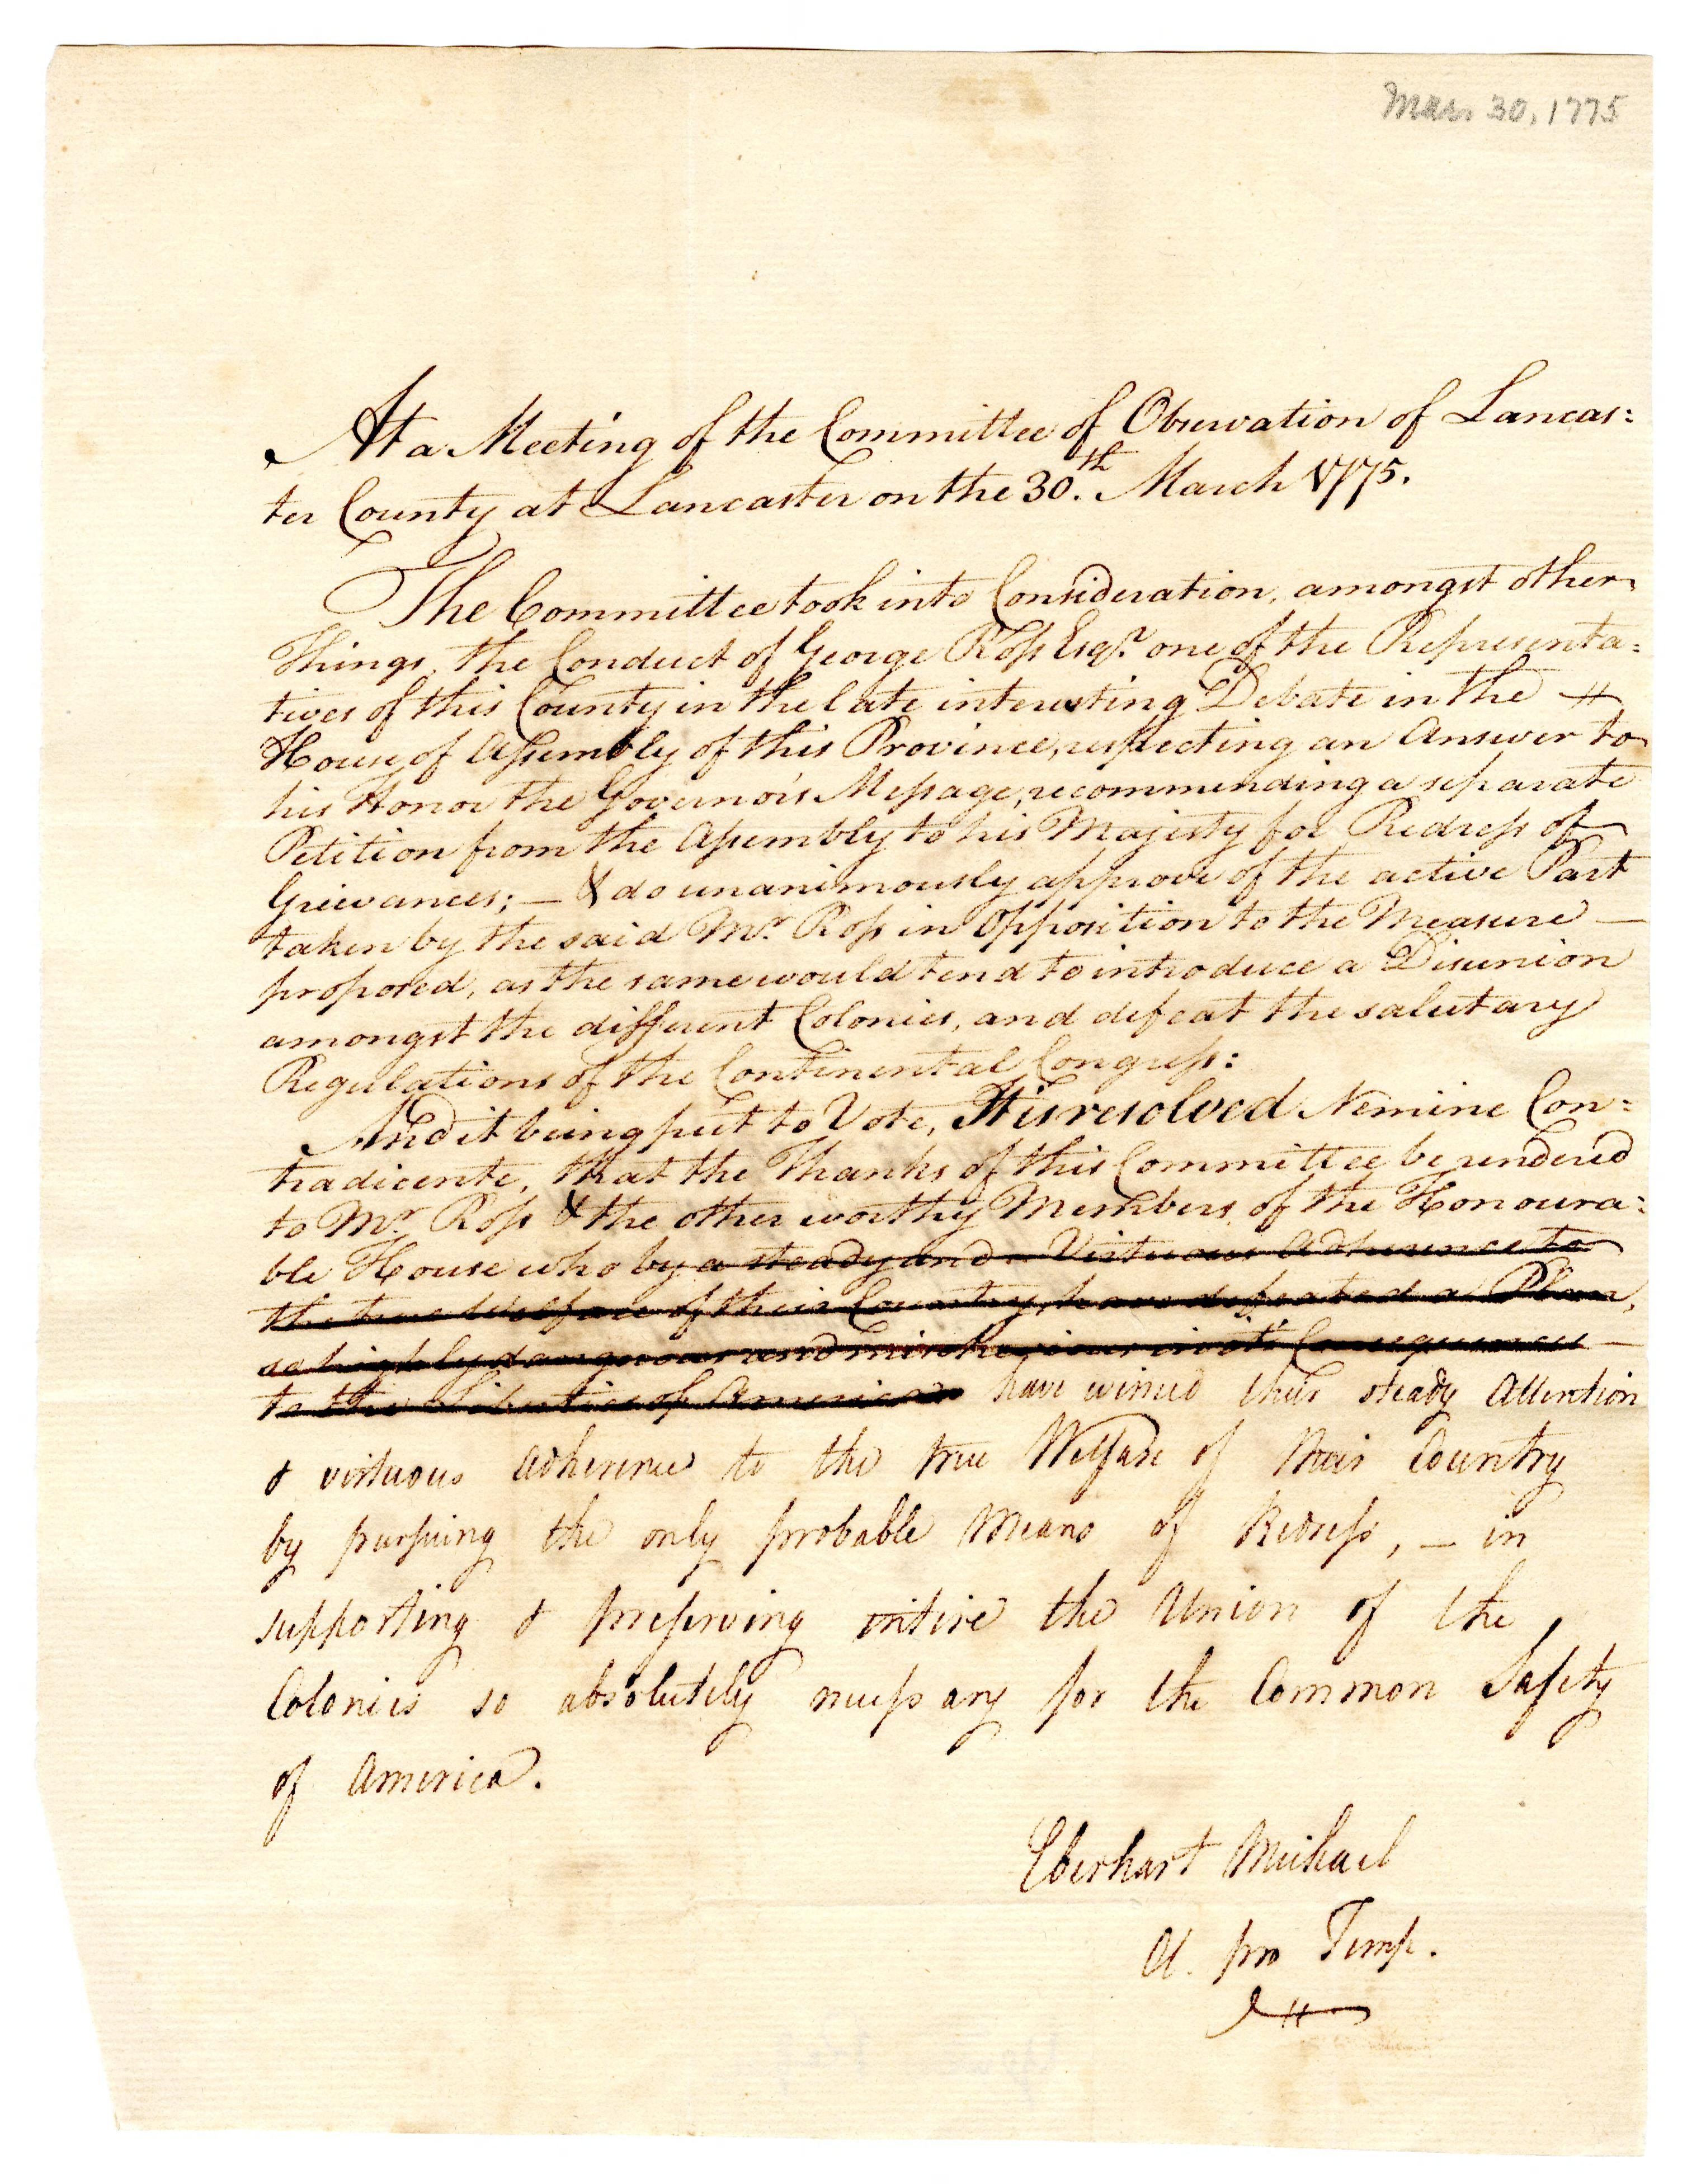At a Meeting of the Committee of Observation of Lancas-
-ter County at Lancaster on the 30^th. March 1775.
The Committee took into Consideration, amongst other
Things, the Conduct of George Ross Esq^r. one of the Representa-
-tives of this County in the late interesting Debate in the
House of Assembly of this Province, respecting an Answer to
his Honor the Governors Message, recommending a separate
Petition from the Assembly to his Majesty for Redress of
Grievances;- & do unanimously approve of the active Part
taken by the said M^r. Ross in Opposition to the Measure-
proposed, as the same would tend to introduce a Disunion
amongst the different Colonies, and defeat the salutary
Regulations of the Continental Congress:
And it being put to Vote, His resolved Nemine Con-
-tradicente, that the Thanks of this Committee be rendered
to M^r. Ross & the other worthy members of the Honoura-
-ble House who [by a steady and a Virtuous Assurance to]
[the true] [_______] [are of their Country Law defeated a Plan,]
[so highly dangeorus and mich] [_______] [with Consequence\
[to the Liberties of America] have evinced their steady Attention
& virtuous adherence to the true Welfare of their country
by pursuing the only probable Means of Redress, in
supporting & preserving intire the Union of the
Colonies so absolutely necessary for the Common Safety
of America.
Eberhart Michael
A. pro Temp.